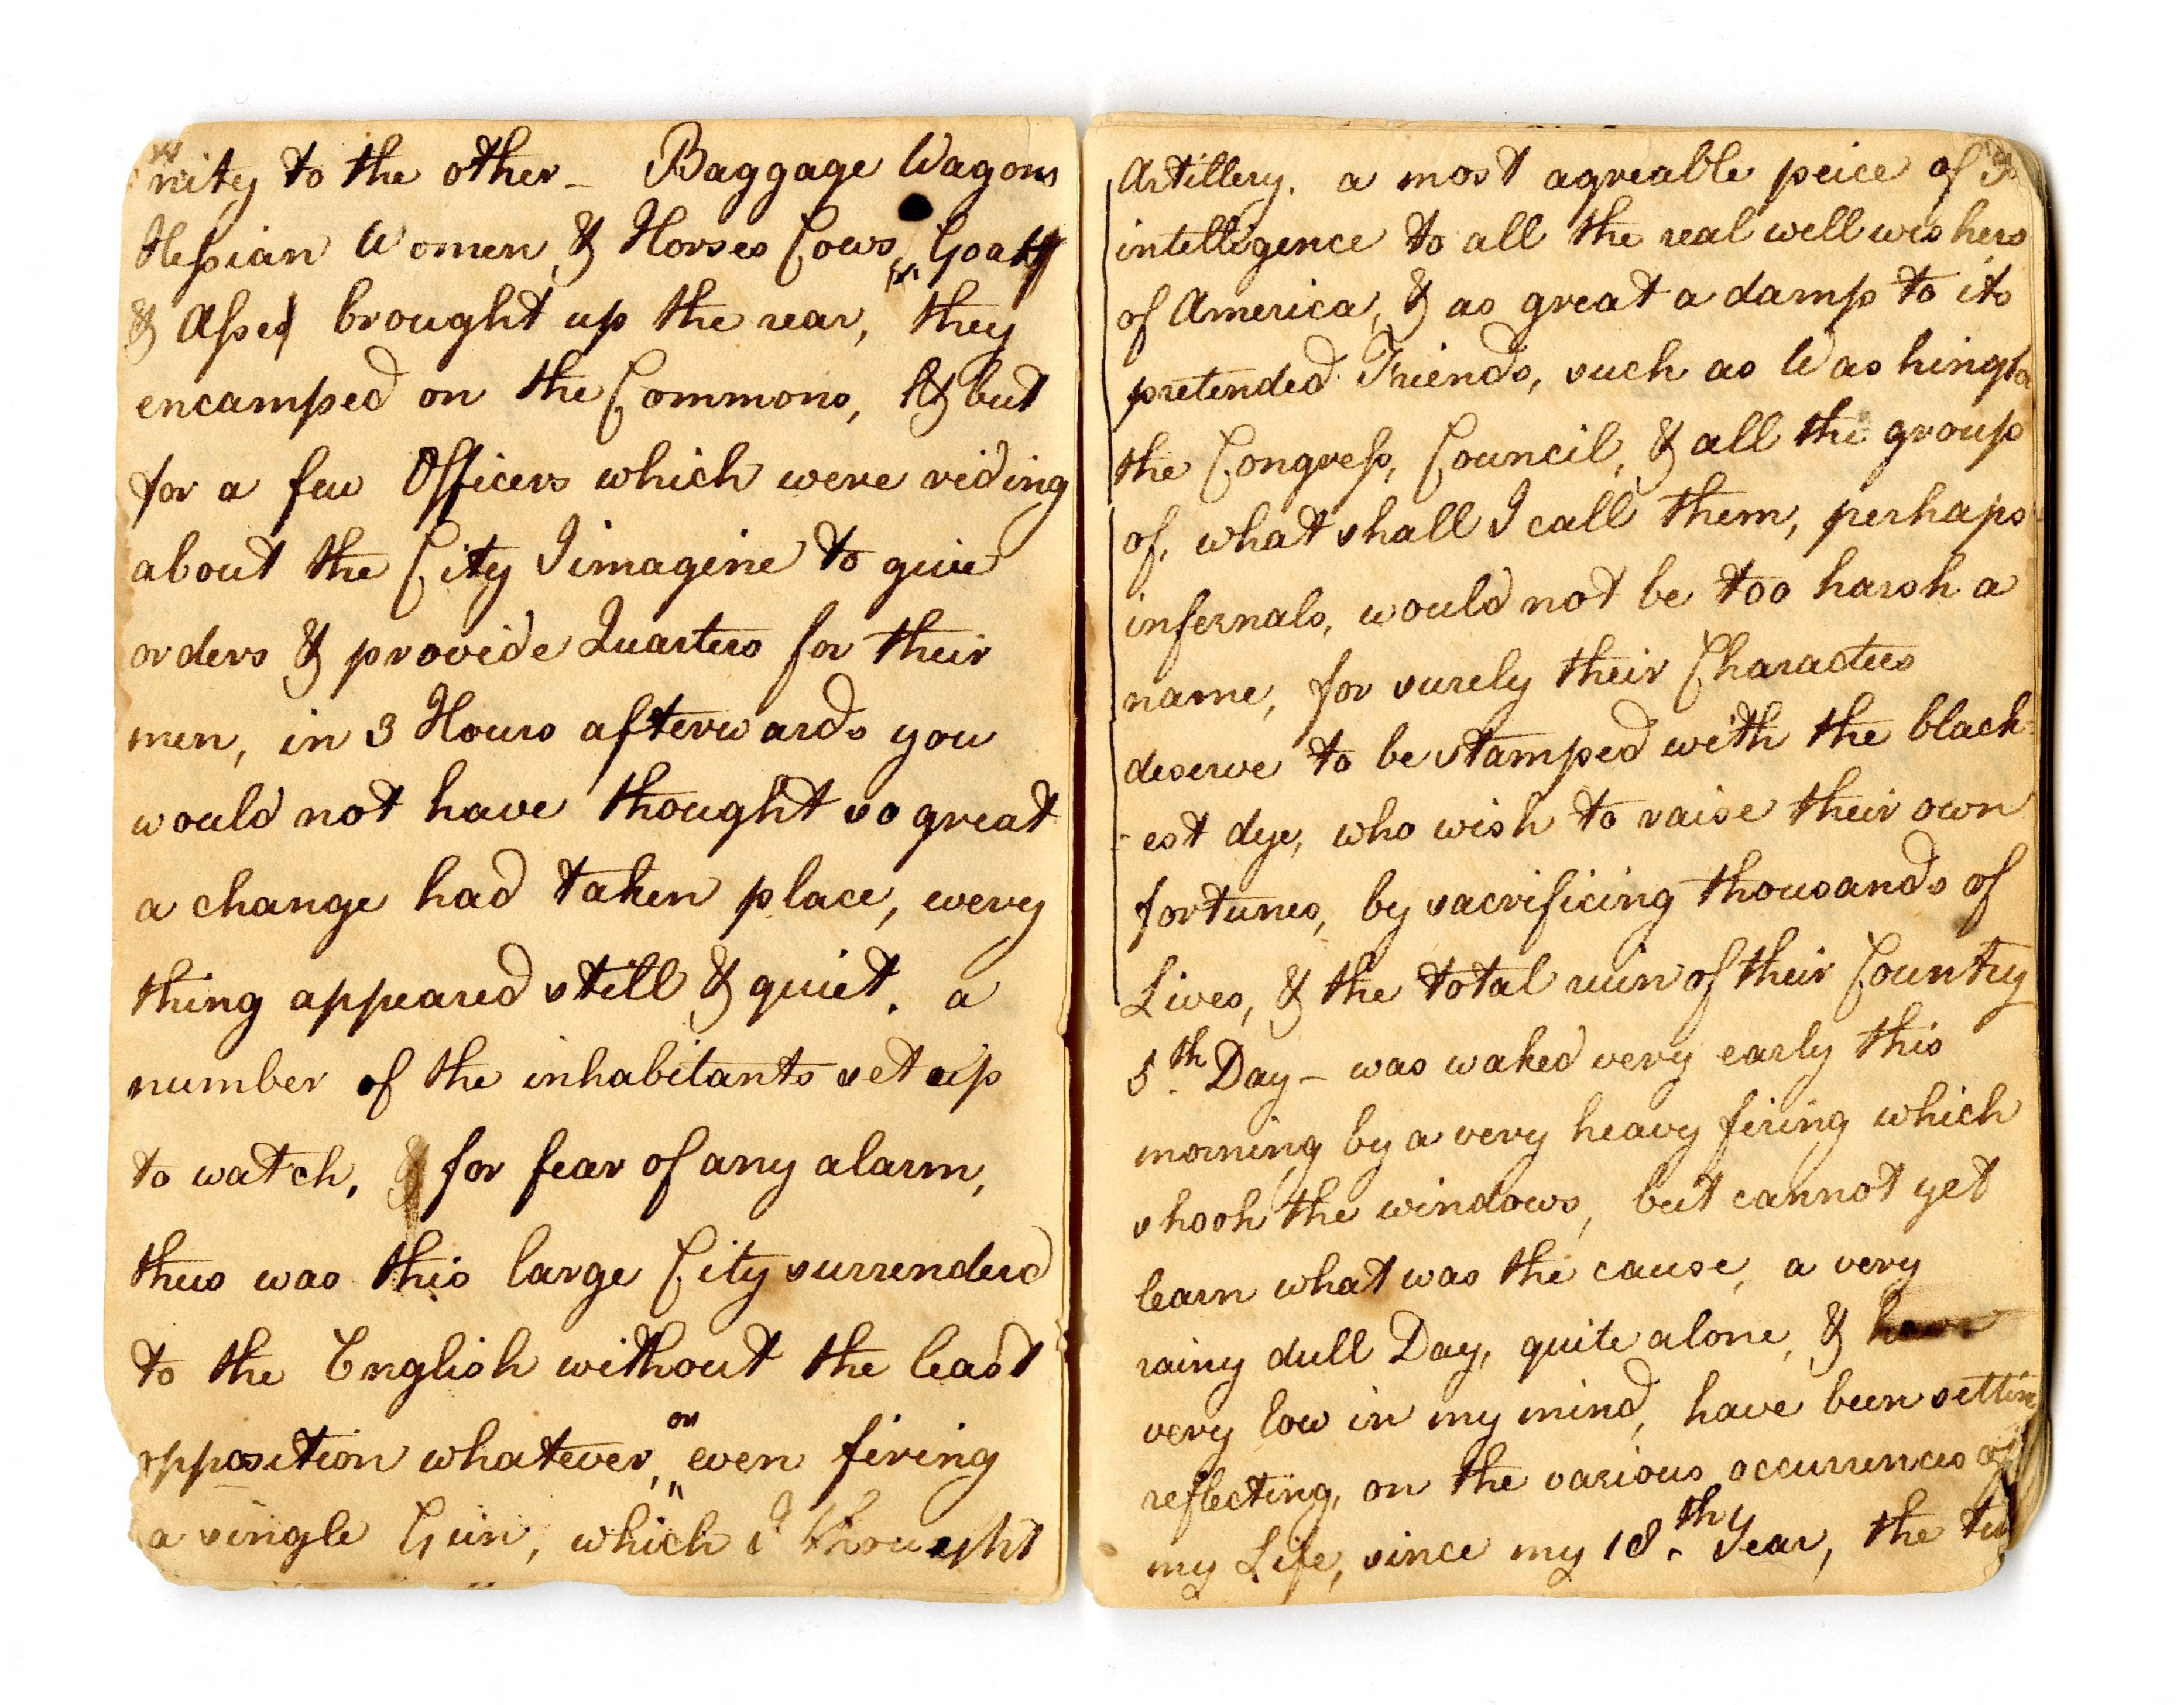4
nity to the other- Baggage Wagons
Hessian Women & Horses Cows, Goats
& Asses brought up the rear, they
encamped on the Commons, & but
for a few Officers which were riding
about the City I imagine to give
orders & provide Quarters for their
men, in 3 Hours afterwards you
would not have thought so great
a change had taken place, every
thing appeared still & quiet, a
number of the inhabitants set up
to watch, & for fear of any alarm,
thus was this large City surrenderd
to the English without the least
opposition whatever, ^on even firing
a single Gun, which I thought
Artillery, a most agreable peice of I
intelligence to all the real well wishers
of America, & as great a damp to its
pretended Friends, such as Washington
the Congress, Council, & all the group
of, what shall I call them, perhaps
infernals, would not be too harsh a
name, for surely their Characters
deserve to be stamped with the black-
-est dye, who wish to raise their own
fortunes, by sacrificing thousands of
Lives, & the total ruin of their Country
5^th Day- was waked very early this
morning by a very heavy firing which
shook the windows, but cannot yet
learn what was the cause, a very
rainy dull Day, quite alone, & have
very low in my mind, have been setting
reflecting, on the various occurrences of
my Life, since my 10^th Year, the t